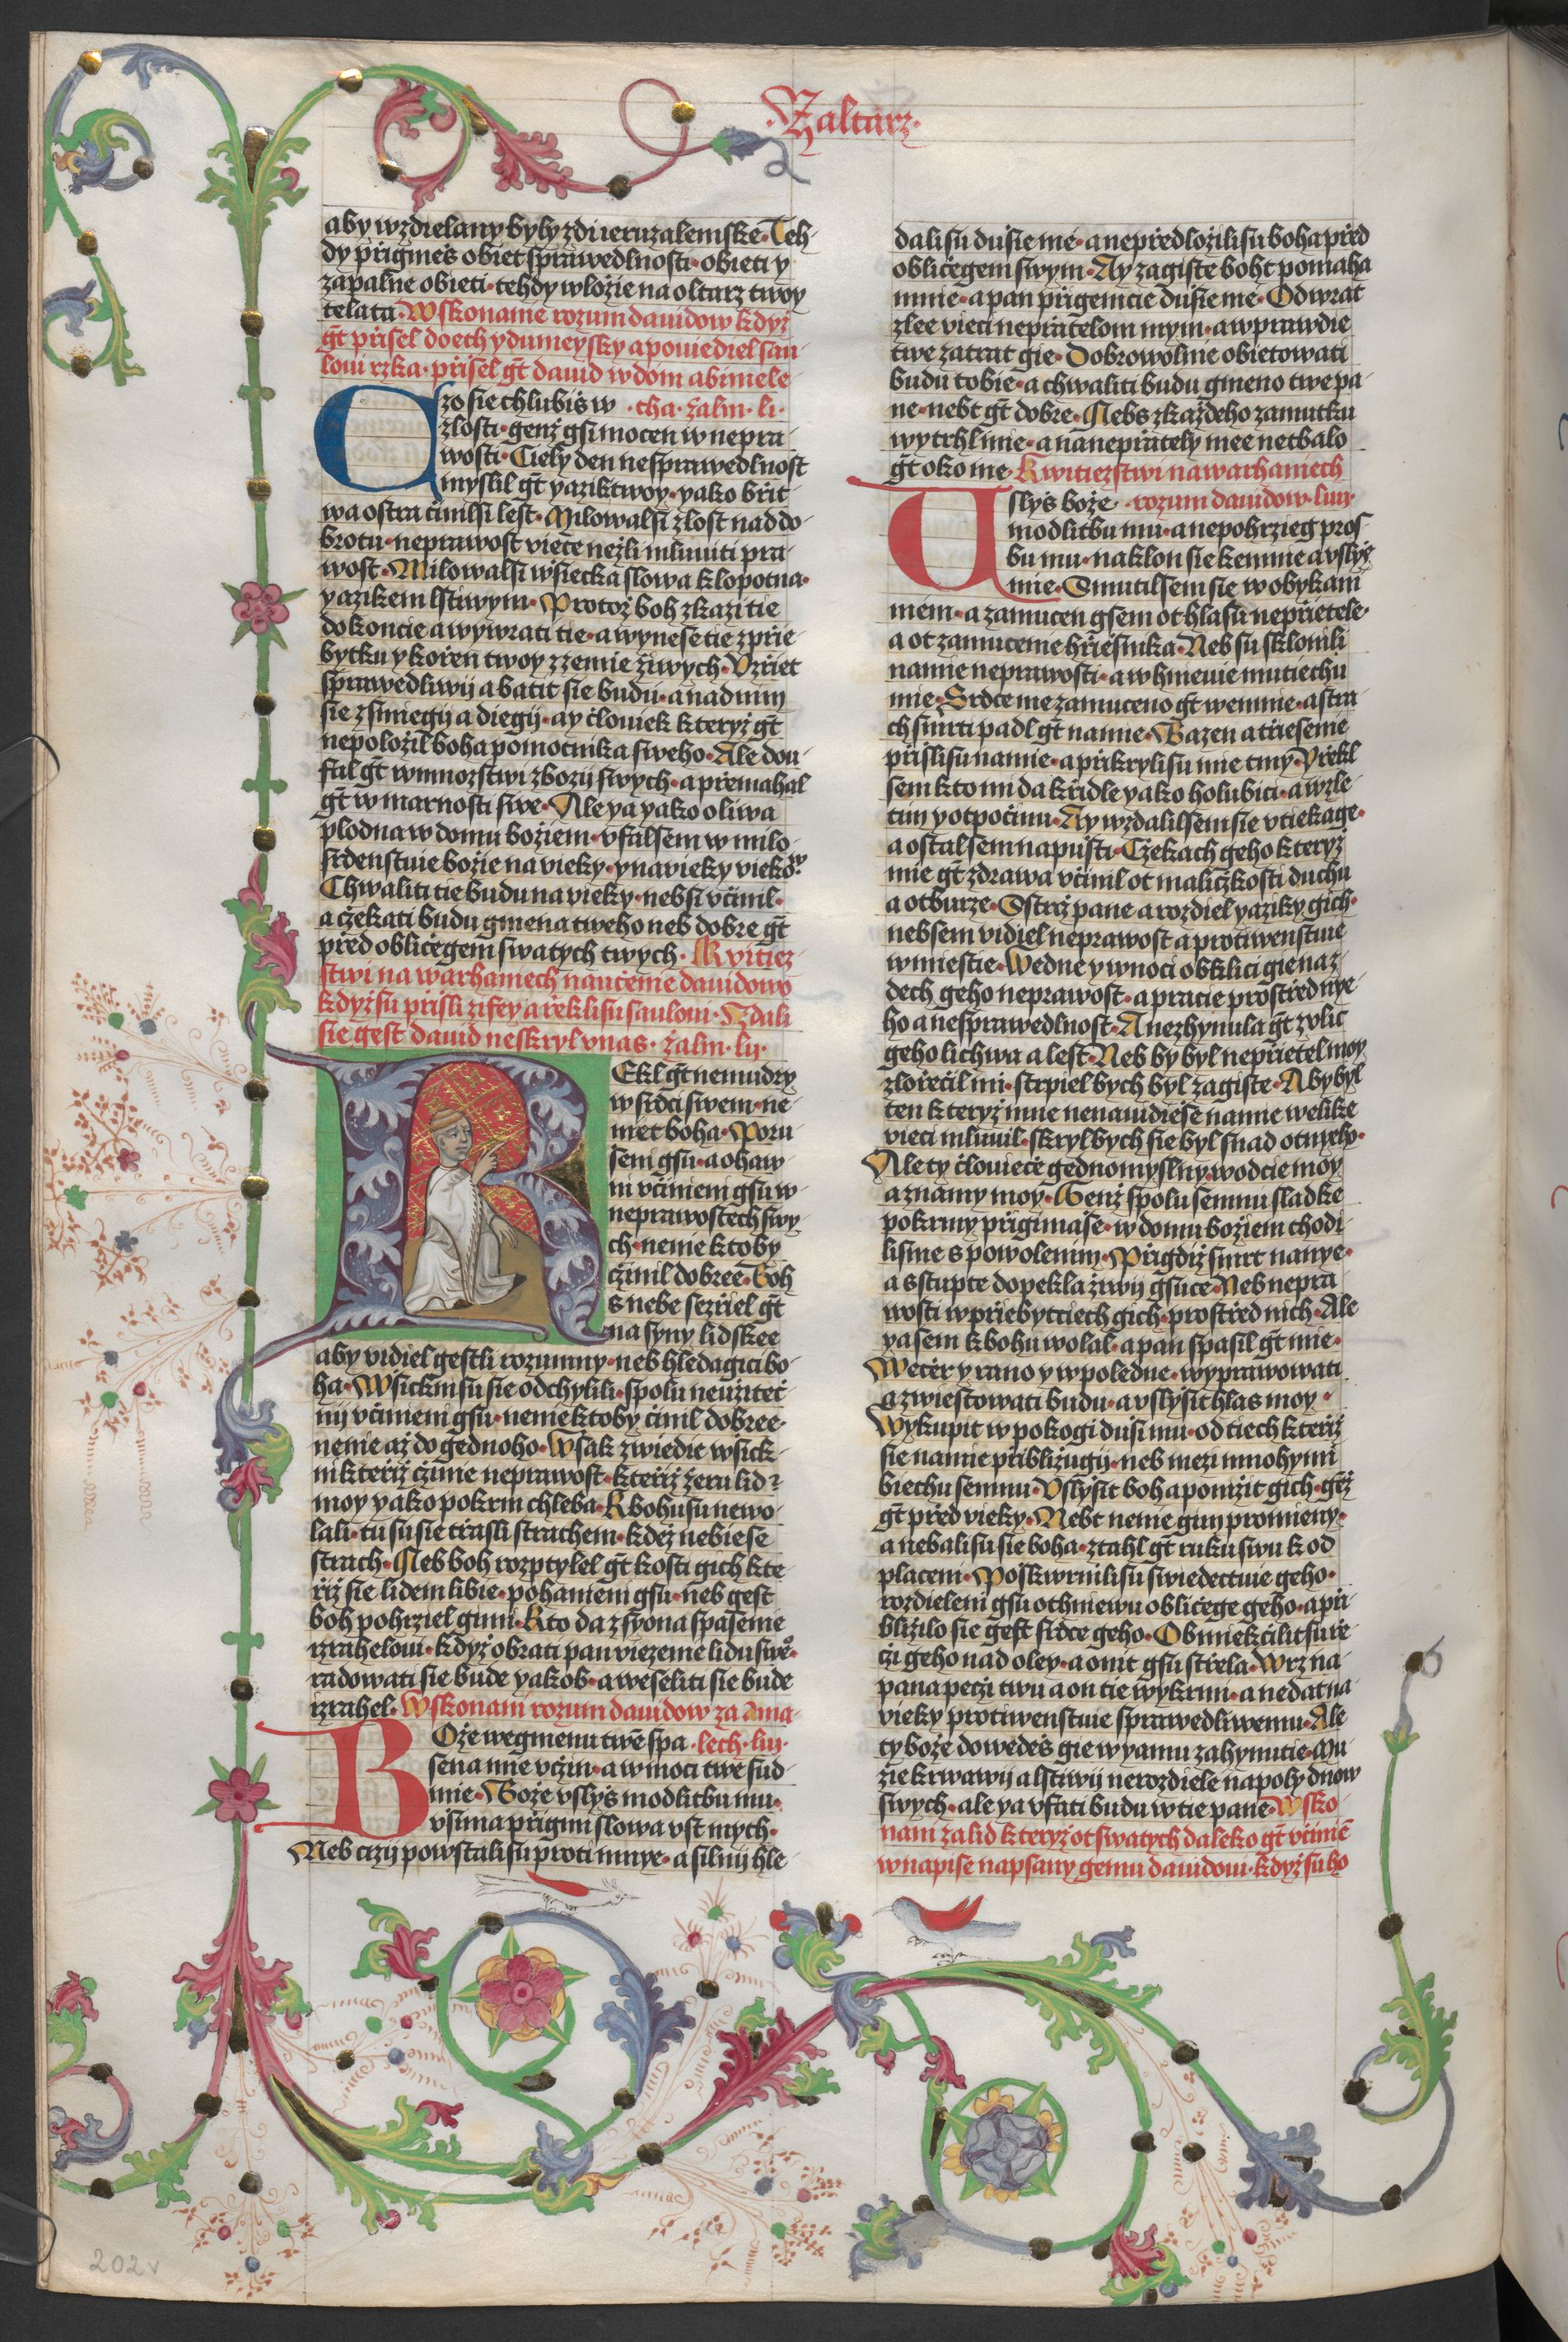.Zaltarz.
aby wzdielany byly zdi ieruzalemſke.Teh¬
dy pṙigmeṡ obiet ſprawedlnoſti.obieti y
zapalne obieti.tehdy wlożíe na oltarz twoy
telata.Wſkonaníe rozum dauidow když
ḡt pṙiẛel doeth ydumeyſky apouiediel ſau¬
loui rzka.pṙiẛel ḡt dauid w dóm abimele¬
zo ſie chlubíṡ w.cha.żalm.li.
zloſti.genž gſi mocen w nepra¬
woſti.Ciely den neſprawedlnoſt
myſlil ḡt yaziktwoy.yako bṙit¬
wa oſtra ċinilſi leſt. Milowalſi zloſt nad do¬
brotu.neprwoſt viece neżli mluuítí pra¬
woſt.Milowalſi wẛiecka ſlowa klopotna.
yazikem lſtiwym.Protoż boh zkazí tie
dokoncie a wywratí tie.a wyneſe tie zpṙíe¬
bytku y koṙen twoy zżemie żiwych.Vzṙíet
ſprawedliwij a batit ſie budú.a nadnim
ſie zſmiegij a diegij.ay ċlouíek kteryż ḡt
nepolożil boha pomocníka ſweho.Ale dou¬
fal ḡt wmnozſtwí zbozij ſwych.a pṙemahal
ḡt w marnoſti ſwe.Ale ya yako oliwa
plodna w domu bożíem.vſalſem w milo¬
ſrdenſtuie bożíe na vieky.ynavieky viekow.
Chwaliti tie budu na vieky.nebſi vċinil.
a cżekati budu gmena tweho neb dobre ḡt
pṙed obliċegem ſwatych twych.Kvitiez¬
ſtwí na warhaniech nauċeníe dauidowo
kdyż ſu pṙiẛli ziſey a ṙekliſu ſaulouí.Zdali
ſie geſt dauid neſkryl vnas.żalm.lij.
Ekl ḡt nemudry
w ſrdci ſwem.ne¬
met boha.Poru¬
ẛeni gſu.a ohaw¬
ni vċínieni gſu w
neprawoſtech ſwy¬
ch.neníe ktoby
cżinil dobree.Boh
s nebe ſezṙiel ḡt
na ſyny lidſkee
aby vidiel geſtli rozumny.neb hledagicí bo¬
ha.Wẛickniſu ſie odchylili.ſpolu neużiteċ¬
nij vċinieni gſu.neniektoby ċínil dobree.
nenie až do gednoho.Wẛak zwiedíe wẛick¬
ni kteṙiż cżiníe neprawoſt.kteṙíż żeru lid?
moy yako pokrm chleba.K bohuſu newo¬
lali.tu ſuſie tṙaſli ſtrachem.kdež nebíeſe
ſtrach. Neb boh rozptylel ḡt koſti gich kte¬
ṙíż ſie lidem libíe.pohanieni gſu.neb geſt
boh pohrziel gimi.Kto da z ſyona ſpaſeníe
izrahelouí.kdyż obratí pan viezeníe lidu ſwe°.
radowati ſie bude yakob.a weſeliti ſie bude
izrahel.Wſkonaní rozum dauidow za Ama¬
Oże wegmenu twē ſpa.lech.liij.
ſena mie vcżin.a wmoci twe ſud¬
mie.Bože vſlyṡ modlitbu mu.
vẛima přígmi ſlowa vſt mych.
Neb cizij powſtaliſu proti mnye.a ſilnij hle¬
daliſu duẛie mé.a nepṙedlożiliſu bohu pṙed
obliċegem ſwym.Ay zagiſte boht pomaha
mnie.a pan pṙigemcie duẛie mé.Odwrat
zlee vieci nepṙatelom mym.a wprawdie
twe zatrat gie.Dobrowolníe obietowati
budu tobie.a chwaliti budu gmeno twe pa¬
ne.nebt ḡt dobre.Nebe zkażdeho zarmutku
wytrhl mie.a nanepṙately mee netbalo
ḡt oko me.Kwitiezſtwí nawarhaníech
ſlyš boże.rozum dauidow.liiij.
modlitbu mu.a nepohrzieg proſ¬
bu mu.naklon ſie kemnie a vſlyš
mie.Smutilſem ſie w obykaní
mém.a zamucen gſem ot hlaſu nepṙíetele.
a ot zamuceníe hřieſnika.Neb ſu ſklonili
namie neprwoſti.a w hnieuie mutíechu
mie.Srdte me zamuceno ḡt wemnie.aſtra¬
ch ſmrti padl ḡt namie.Bazen a třieſeníe
pṙiẛliſu namie.a pṙikryliſu mie tmy.Y ṙekl
ſem kto mi da kṙidle yako holubici.a wzle¬
tím yotpoċinu.Ay wzdalilſem ſie vtiekage.
a oſtal ſem napuẛti.Cżekach geho kteryż
mie ḡt zdrawa vċinil ot malicżkoſti duchu
a otburze.Sſtrcż pane a rozdiel yaziky gich.
nebſem vidiel neprawoſt a protiwenſtuíe
wmieſtie.Wedne y wnoci obklici giena z¬
dech geho neprawoſt.a pracie proſtṙed nye¬
ho a neſprawedlnoſt.A nezhynula ḡt zvlic
geho lichwa a leſt.Neb by byl nepṙietel moy
zloṙeċil mi.ſtrpiel bych byl zagiſte.Aby byl
ten kteryż mne nenauidíeẛe namie welike
vieci mliuil.ſkryl bych ſie byl ſnad otnyeho.
Ale ty ċlouieċe gednomyſlny.wodcie moy
a znamy moy.Genż ſpolu ſemnú ſladke
pokrmy pṙigímaẛe.w domu bożiem chodi¬
liſme s powolením.Pṙigdíž ſmrt nanye.
a sſtupte dopekla żiwij gſuce.Neb nepra¬
woſti wpṙiebytciech gich.proſtṙed nich.Ale
ya ſem k bohu wolal.a pan ſpaſil ḡt mie.
Wečer y rano y wpoledne.wyprawowati
a zwieſtowati budu.a vſlyẛit hlas moy.
Wykupit w pokogi duẛi mu.od tiech kteṙiż
ſie namie pṙibližugij.neb mezi mnohymi
bíechu ſemnu.Vſlyẛit boh a poníżit gich.gēż
ḡt před vieky.Nebt nenie gim promieny.
a nebaliſu ſie boha.ztahl ḡt ruku ſwu k od
placení.Poẛkwrniliſu ſwiedectuíe geho.
rozdieleni gſu othniewu obliċege geho.a pṙi¬
blíżilo ſie geſt ſrdce geho.Obmiekċilitſu ṙe¬
cżi geho nad oley.a onít gſu ſtṙela.Wrz na¬
pana pecżi twu a on tie wykrmí.a nedat na¬
vieky protiwenſtuie ſprawedliwemu.Ale
ty boże dowedeṡ gie w yamu zahynutie.Mu¬
żie krwawij a lſtiwij nerozdiele napoly dnow
ſwych.ale ya vſati budu w tie pane.W ſko¬
naní zalid kteryż ot ſwatych daleko ḡt vċíníē
wnapiſe napſany gemu dauidoui.když ſu ho